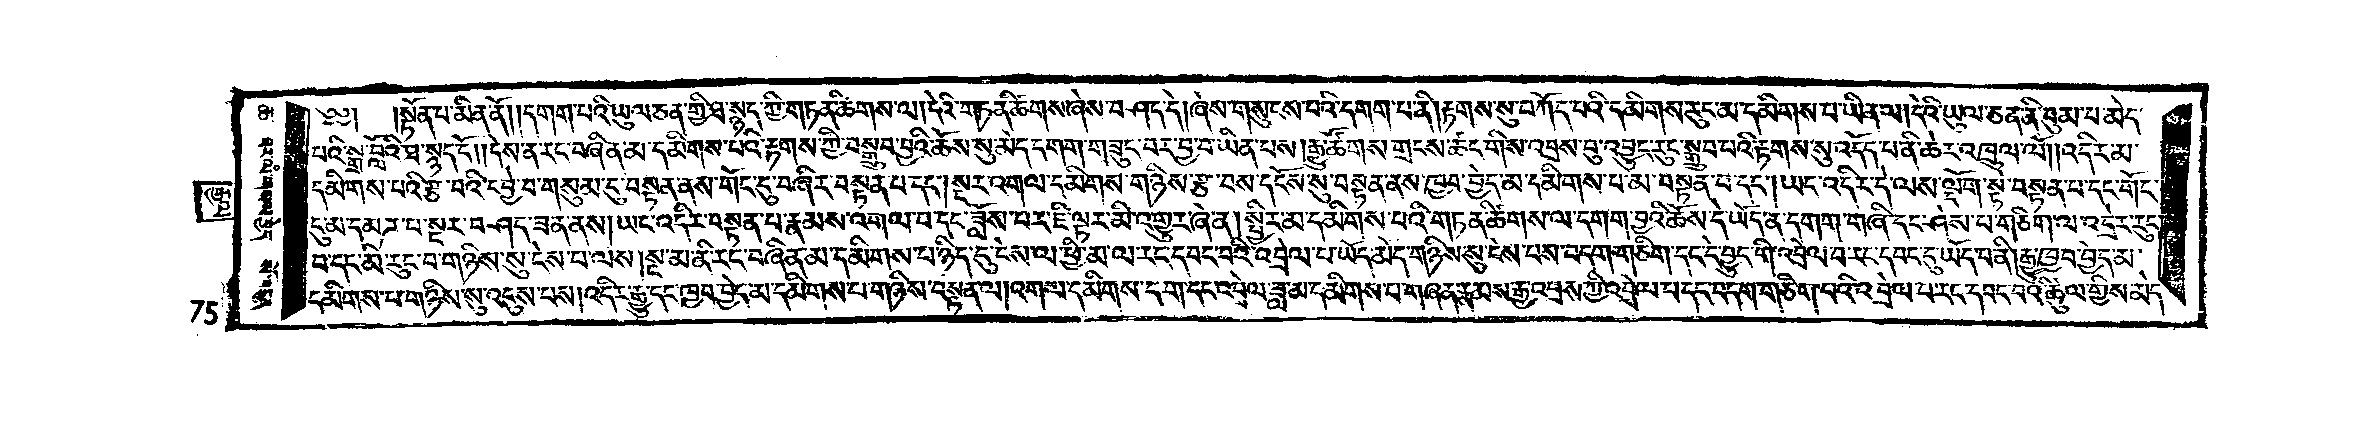༄༅། །སྟོན་པ་མིན་ནོ། །དགག་པའི་ཡུལ་ཅན་གྱི་ཐ་སྙད་ཀྱི་གཏན་ཚིགས་ལ། དེའི་གཏན་ཚིགས་ཞེས་བཤད་དེ། ཞེས་གསུངས་པའི་དགག་པ་ནི། རྟགས་སུ་བཀོད་པའི་དམིགས་རུང་མ་དམིགས་པ་ཡིན་ལ། དེའི་ཡུལ་ཅན་ནི་བུམ་པ་མེད་
པའི་སྒྲ་བློའི་ཐ་སྙད་དོ། །དེས་ན་རང་བཞིན་མ་དམིགས་པའི་རྟགས་ཀྱི་བསྒྲུབ་བྱའི་ཆོས་སུ་མེད་དགག་གཟུང་བར་བྱ་བ་ཡིན་པས། རྒྱུ་ཚོགས་གྲངས་ཚད་གིས་འབྲས་བུ་འབྱུང་རུང་སྒྲུབ་པའི་རྟགས་སུ་འདོད་པ་ནི་ཆེར་འཁྲུལ་ལོ། །འདིར་མ་
དམིགས་པའི་རྩ་བའི་དབྱེ་བ་གསུམ་དུ་བསྟན་ནས་གོང་དུ་བཞིར་བསྟན་པ་དང་། སྔར་འགལ་དམིགས་གཉིས་རྩ་བས་དངོས་སུ་བསྟན་ནས་ཁྱབ་བྱེད་མ་དམིགས་པ་མ་བསྟན་པ་དང་། ཡང་འདིར་དེ་ལས་ལྡོག་སྟེ་བསྟན་པ་དང་གོང་
དུ་མ་དམིགས་པ་སྔར་བཤད་ཟིན་ནས། ཡང་འདིར་བསྟན་པ་རྣམས་འགལ་བ་དང་ཟློས་པར་ཇི་ལྟར་མི་འགྱུར་ཞེ་ན། སྤྱིར་མ་དམིགས་པའི་གཏན་ཚིགས་ལ་དགག་བྱའི་ཆོས་དེ་ཡོད་ན་དགག་གཞི་དང་ཤེས་པ་གཅིག་ལ་འདྲེར་རུང་
བ་དང་མི་རུང་བ་གཉིས་སུ་ངེས་པ་ལས། སྔ་མ་ནི་རང་བཞིན་མ་དམིགས་པ་ཉིད་དུ་ངེས་ལ་ཕྱི་མ་ལ་རང་དབང་བའི་འབྲེལ་པ་ཡོད་མེད་གཉིས་སུ་ངེས་པས་བདག་གཅིག་དང་དེ་བྱུང་གི་འབྲེལ་བ་རང་དབང་དུ་ཡོད་པ་ནི། རྒྱུ་ཁྱབ་བྱེད་མ་
དམིགས་པ་གཉིས་སུ་འདུས་པས། འདིར་རྒྱུ་དང་ཁྱབ་བྱེད་མ་དམིགས་པ་གཉིས་བསྟན་ལ། འགལ་དམིགས་དག་དང་འབྲེལ་ཟླ་མ་དམིགས་པ་གཞན་རྣམས་རྒྱ་འབྲས་ཀྱི་འབྲེལ་པ་དང་བདག་གཅིག་པའི་འབྲེལ་པ་རང་དབང་བའི་ཚུལ་གྱིས་མེད་